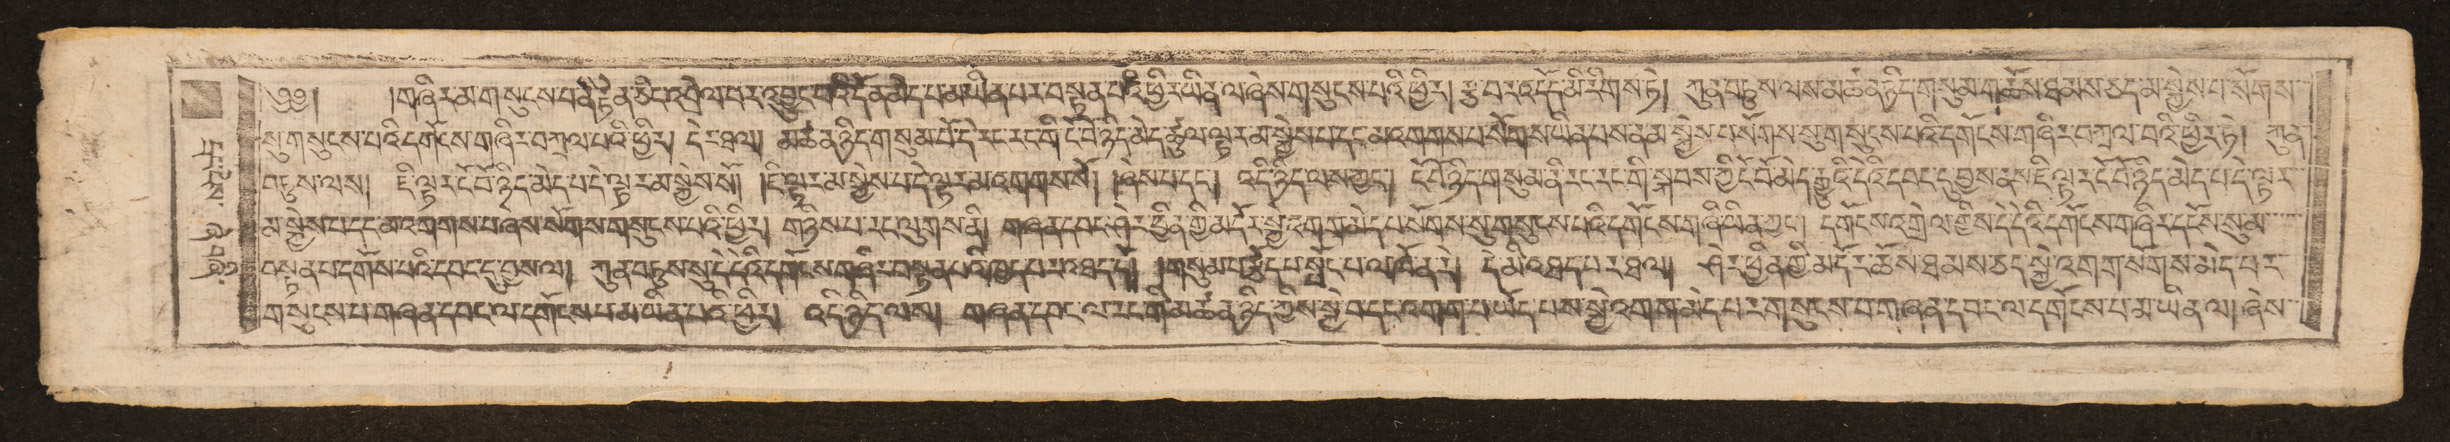༄༅། །གཞིར་མ་གསུངས་པ་ནི་རྟེན་ཅིང་འབྲེལ་པར་འབྱུང་བའི་དོན་མེད་པ་མ་ཡིན་པར་བསྟན་པའི་ཕྱིར་ཡིན་ལ་ཞེས་གསུངས་པའི་ཕྱིར། རྩ་བར་འདོད་མི་རིགས་ཏེ། ཀུན་བཏུས་ལས་མཚན་ཉིད་གསུམ་ག་ཆོས་ཐམས་ཅད་མ་སྐྱེས་པ་སོགས་
སུ་གསུངས་པའི་དགོངས་གཞིར་བཀྲལ་པའི་ཕྱིར། དེར་ཐལ། མཚན་ཉིད་གསུམ་པོ་དེ་རང་རང་གི་ངོ་བོ་ཉིད་མེད་ཚུལ་ལྟར་མ་སྐྱེས་པ་དང་མ་འགགས་པ་སོགས་ཡིན་པས་ནམ་སྐྱེས་པ་སོགས་སུ་གསུངས་པའི་དགོངས་གཞིར་བཀྲལ་བའི་ཕྱིར་ཏེ། ཀུན་
བཏུས་ལས། ཇི་ལྟར་ངོ་བོ་ཉིད་མེད་པ་དེ་ལྟར་མ་སྐྱེས་སོ། །ཇི་ལྟར་མ་སྐྱེས་པ་དེ་ལྟར་མ་འགགས་སོ། །ཞེས་པ་དང་། འདི་ཉིད་ལས་ཀྱང་། ངོ་བོ་ཉིད་གསུམ་ནི་རང་རང་གི་སྐབས་ཀྱི་ངོ་བོ་མེད་རྒྱུའི་དེའི་དབང་དུ་བྱས་ནས་ཇི་ལྟར་ངོ་བོ་ཉིད་མེད་པ་དེ་ལྟར་
མ་སྐྱེས་པ་དང་མ་འགགས་པ་ཞེས་སོགས་གསུངས་པའི་ཕྱིར། གཉིས་པ་རང་ལུགས་ནི། གཞན་དབང་ཤེས་ཕྱིན་གྱི་མདོར་སྐྱེ་འགག་མེད་པ་སོགས་སུ་གསུངས་པའི་དགོངས་གཞི་ཡིན་ཀྱང་། དགོངས་འགྲེལ་གྱིས་དེ་དེའི་དགོངས་གཞིར་དངོས་སུ་མ་
བསྟན་པ་དགོས་པའི་དབང་དུ་བྱས་ལ། ཀུན་བཏུས་སུ་དེ་དེའི་དགོངས་གཞིར་བསྟན་པའི་ཁྱད་པར་འཐད་དོ། །གསུམ་པ་རྩོད་པ་སྤོང་པ་ལ་ཁོ་ན་རེ། དེ་མི་འཐད་པར་ཐལ། ཤེར་ཕྱིན་གྱི་མདོར་ཆོས་ཐམས་ཅད་སྐྱེ་འགག་སོགས་མེད་པར་
གསུངས་པ་གཞན་དབང་ལ་དགོངས་པ་མ་ཡིན་པའི་ཕྱིར། འདི་ཉིད་ལས། གཞན་དབང་ལ་རང་གི་མཚན་ཉིད་ཀྱིས་སྐྱེ་བ་དང་འགག་པ་ཡོད་པས་སྐྱེ་འགག་མེད་པར་གསུངས་པ་གཞན་དབང་ལ་དགོངས་པ་མ་ཡིན་ལ། ཞེས་